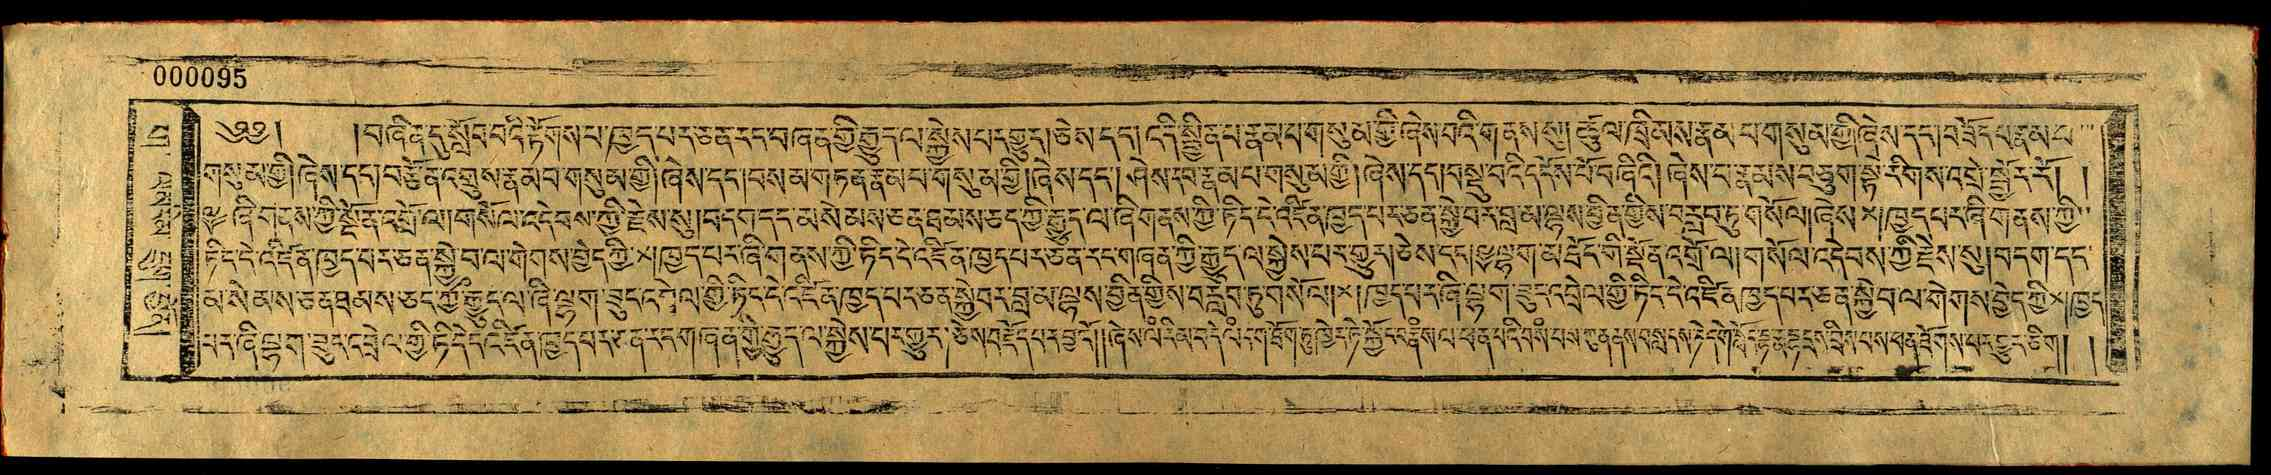༄༅། །བཞིན་དུ་སློབ་པའི་རྟོགས་པ་ཁྱད་པར་ཅན་རང་བཞན་གྱི་རྒྱུད་ལ་སྐྱེས་པར་གྱུར།ཅེས་དང་།འདི་སྦྱིན་པ་རྣམ་གསུམ་གྱི་ཞེས་པའི་གནས་སུ། ཚུལ་ཁྲིམས་རྣམ་པ་གསུམ་གྱི།ཞེས་དང་།བཟོད་པ་རྣམ་པ་གསུམ་གྱི།ཞེས་དང་།བརྩོན་འགྲུས་རྣམ་པ་གསུམ་གྱི།ཞེས་དང་།བསམ་གཏན་རྣམ་པ་གསུམ་གྱི།ཞེས་དང་།ཤེས་རབ་རྣམ་པ་གསུམ་གྱི།་ཞེས་དང་།བསྡུ་བའི་དངོས་པོ་བཞིའི།ཞེས་པ་རྣམས་བཅུག་སྟེ་རིགས་འགྲེ་སྦྱོར་རོ། ། ༑ཞི་གནས་ཀྱི་སྔོན་འགྲོ་ལ།གསོལ་འདེབས་ཀྱི་རྗེས་སུ།བདག་དང་མ་སེམས་ཅན་ཐམས་ཅད་ཀྱི་རྒྱུད་ལ་ཞི་གནས་ཀྱི་ཏིང་ངེ་འཛིན་ཁྱད་པར་ཅན་སྐྱེ་བར་བླ་མ་ལྷས་བྱིན་གྱིས་བརླབ་ཏུ་གསོལ།ཞེས་༝།ཁྱད་པར་ཞི་གནས་ཀྱི་ཏིང་ངེ་འཛིན་ཁྱད་པར་ཅན་སྐྱེ་བ་ལ་གེགས་བྱེད་ཀྱི་༝།ཁྱད་པར་ཅན་ཞི་གནས་ཀྱི་ཏིང་ངེ་འཛིན་ཁྱད་པར་ཅན་རང་གཞན་གྱི་རྒྱུད་ལ་སྐྱེས་པར་གྱུར།ཅེས་དང་།༈ལྷག་མཐོང་གི་སྔོན་འགྲོ་ལ།གསོལ་འདེབས་ཀྱི་རྗེས་སུ།བདག་དང་མ་སེམས་ཅན་ཐམས་ཅད་ཀྱྀ་རྒྱུད་ལ་ཞི་ལྷག་ཟུང་འབྲེལ་གྱི་ཏིང་ངེ་འཛིན་ཁྱད་པར་སྐྱེ་བར་བླ་མ་ལྷས་བྱིན་གྱིས་བརླབ་ཏི་གསོལ།༝།ཁྱད་པར་ཞི་ལྷག་ཟུང་འབྲེལ་ཏིང་ངེ་འཛིན་ཁྱད་པར་ཅན་སྐྱེ་བ་ལ་གེགས་བྱེད་ཀྱི༝།ཁྱད་པར་ཞི་ལྷག་ཟུང་འབྲེལ་ཏིང་ངེ་འཛིན་ཁྱད་པར་ཅན་རང་གཞན་གྱི་རྒྱུད་ལ་སྐྱེས་པར་གྱུར།ཅེས་བརྗོད་པར་བྱའོ།།ཞེས་ལཾ་བདེ་ལཾ་ངག་ཐོག་ཏུ་ཁྱེར་ཏེ་སྐྱོང་བ་རྣཾས་ལ་ཕན་པའི་བསཾ་པས་ཀུན་ནས་བསླངས་ཏེ་དགེ་སློང་དྷརྨ་བྷ་དྲས་བྲིས་པས་ཕན་ཐོགས་པར་གྱུར་ཅིག། །